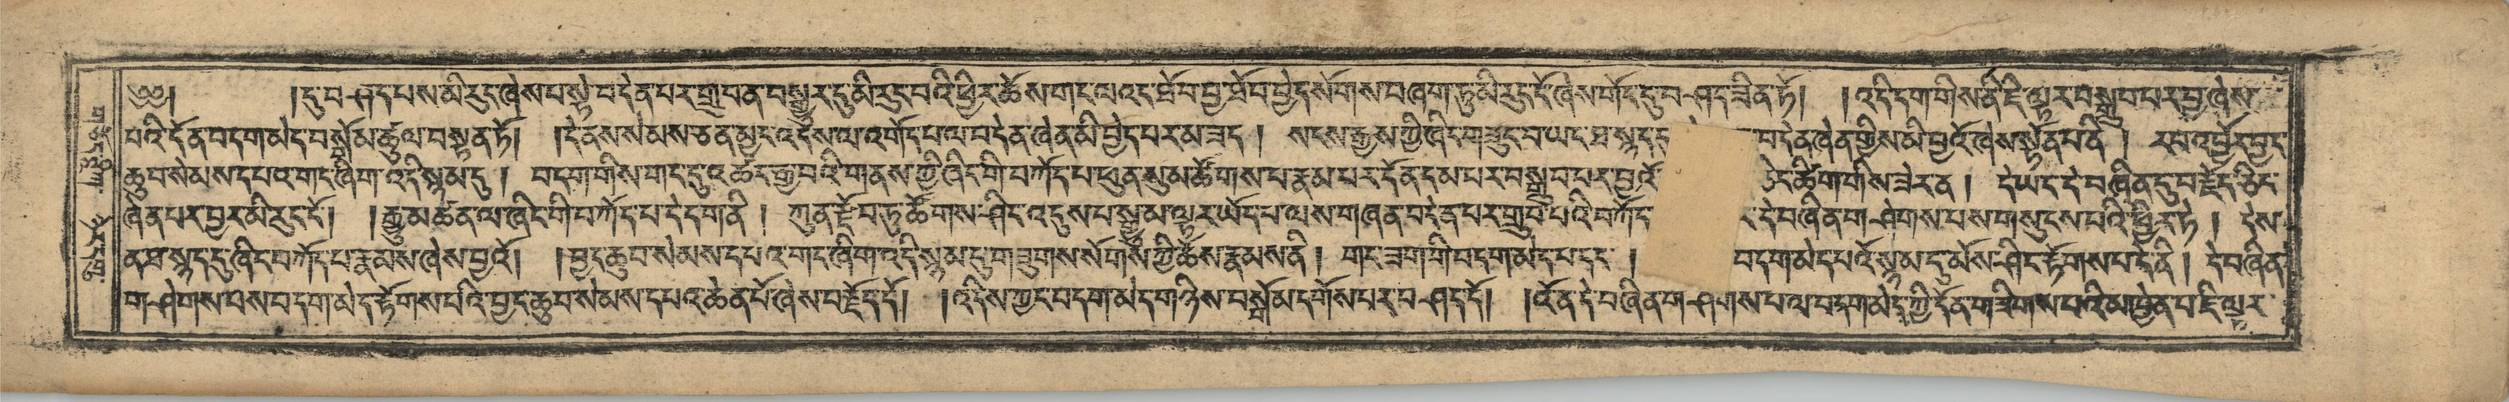༄༅། །དུ་བཤད་པས་མི་རུང་ཞེས་པ་སྟེ་བདེན་པར་གྲུབ་ན་བསྒྱུར་དུ་མི་རུང་བའི་ཕྱིར་ཆོས་གང་ལའང་ཐོབ་བྱ་ཐོབ་བྱེད་སོགས་བཞག་ཏུ་མི་རུང་ངོ་ཞེས་གོང་དུ་བཤད་ཟིན་ཏོ། །འདི་དག་གིས་ནི་ཇི་ལྟར་བསྒྲུབ་པར་བྱ་ཞེས་
པའི་དོན་བདག་མེད་བསྒོམ་ཚུལ་བསྟན་ཏོ། །དེ་ནས་སེམས་ཅན་མྱང་འདས་ལ་འགོད་པ་ལ་བདེན་ཞེན་མི་བྱེད་པར་མ་ཟད། སངས་རྒྱས་ཀྱི་ཞིང་གཟུང་བ་ཡང་ཐ་སྙད་དུ་བྱེད་ཀྱང་བདེན་ཞེན་གྱིས་མི་བྱའོ་ཞེས་སྟོན་པ་ནི། རབ་འབྱོར་བྱང་
ཆུབ་སེམས་དཔའ་གང་ཞིག་འདི་སྙམ་དུ། བདག་གིས་གང་དུ་འཚང་རྒྱ་བའི་གནས་ཀྱི་ཞིང་གི་བཀོད་པ་ཕུན་སུམ་ཚོགས་པ་རྣམ་པར་དོན་དམ་པར་བསྒྲུབ་པར་བྱའོ་ཞེས་ཞེན་ཅིང་ཚིག་གིས་ཟེར་ན། དེ་ཡང་དེ་བཞིན་དུ་བརྗོད་ཅིང་
ཞེན་པར་བྱར་མི་རུང་ངོ། །རྒྱུ་མཚན་ལ་ཞིང་གི་བཀོད་པ་དེ་དག་ནི། ཀུན་རྫོབ་ཏུ་ཚོགས་ཤིང་འདུས་པ་སྒྱུ་མ་ལྟར་ཡོད་པ་ལས་གཞན་བདེན་པར་གྲུབ་པའི་བཀོད་པ་མེད་པར་དེ་བཞིན་གཤེགས་པས་གསུངས་པའི་ཕྱིར་ཏེ། དེས་
ན་ཐ་སྙད་དུ་ཞིང་བཀོད་པ་རྣམས་ཞེས་བྱའོ། །བྱང་ཆུབ་སེམས་དཔའ་གང་ཞིག་འདི་སྙམ་དུ་གཟུགས་སོགས་ཀྱི་ཆོས་རྣམས་ནི། གང་ཟག་གི་བདག་མེད་པ་དང་། ཆོས་ཀྱི་བདག་མེད་པའོ་སྙམ་དུ་མོས་ཤིང་རྟོགས་པ་དེ་ནི། དེ་བཞིན་
གཤེགས་པས་བདག་མེད་རྟོགས་པའི་བྱང་ཆུབ་སེམས་དཔའ་ཆེན་པོ་ཞེས་བརྗོད་དོ། །འདིས་ཀྱང་བདག་མེད་གཉིས་བསྒོམ་དགོས་པར་བཤད་དོ། །འོ་ན་དེ་བཞིན་གཤེགས་པ་ལ་བདག་མེད་ཀྱི་དོན་གཟིགས་པའི་མཁྱེན་པ་ཇི་ལྟར་